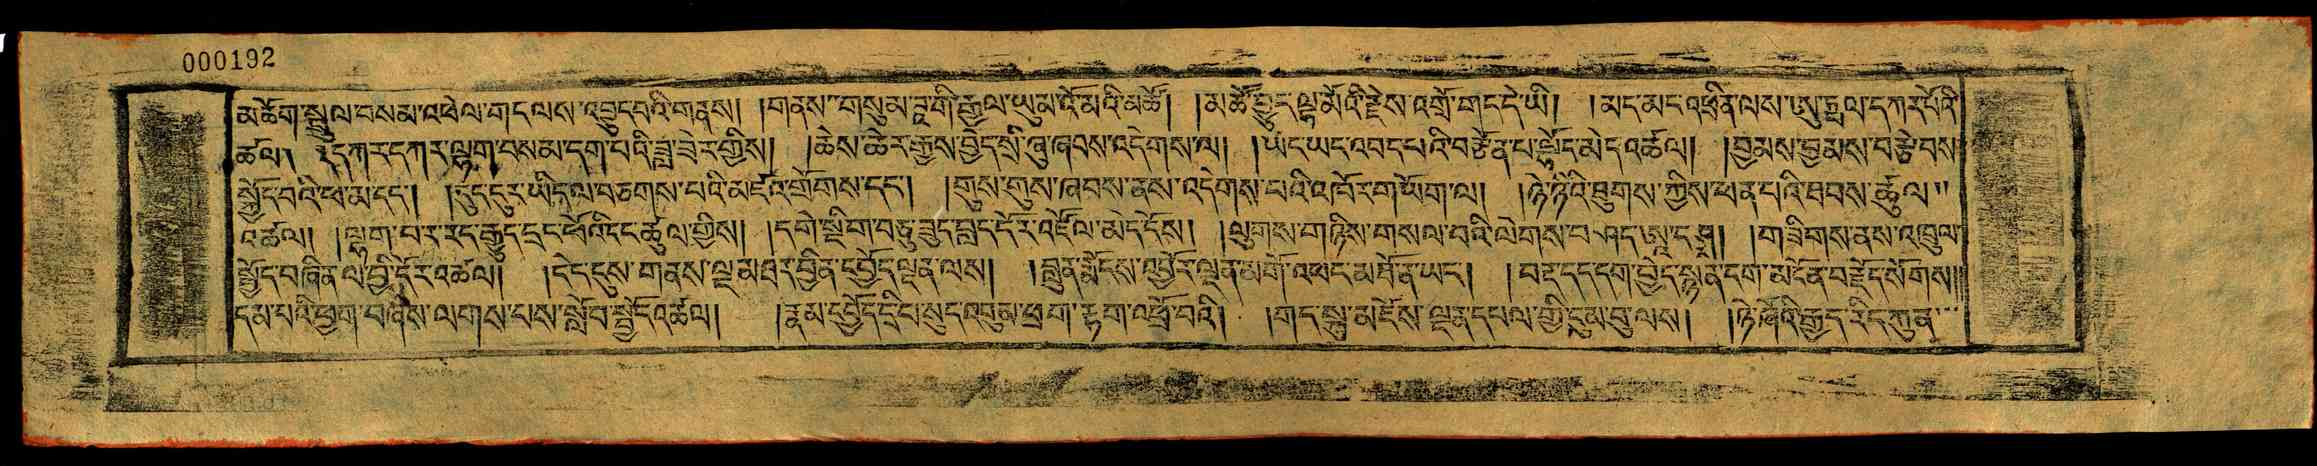མཆོག་སྤྲུལ་བསམ་འཕེལ་གང་ལས་འབྱུང་བའི་གནས། །གནས་་་་གསུམ་ཊཱ་ཀི་རྒྱལ་ཡུམ་འོ་མའི་མཚོ། །མཚོ་བྱུང་ལྷ་མོའི་རྗེས་འགྲོ་གང་དེ་ཡི། །མང་འཕྲིན་ལས་ཨུཏྤལ་དཀར་པོའི་
ཚལ༑ ༑དཀར་དཀར་ལྷག་བསམ་དག་པའི་ཟླ་ཟེར་གྱིས། །ཆེས་ཆེར་རྒྱས་བྱེད་སྲི་ཞུ་ཞབས་འདེགས་ལ། །ཡང་ཡང་འབད་པའི་བརྩོན་པ་ལྷོད་མེད་འཚལ། །བྱམས་བྱམས་བརྩེ་བས་
སྐྱོང་བའི་ཕ་མ་དང་། །དུང་དུང་ཡིད་ལ་བཅགས་པའི་མཐའ་གྲོགས་དང་། །གུས་གུས་ཞབས་ནས་འདེགས་པའི་འཁོར་གཡོག་ལ། །ཉེ་ཉིའི་ཐུགས་ཀྱིས་ཕན་པའི་ཐབས་ཚུལ་
འཚལ། །ལྷག་པར་རང་རྒྱུད་དྲང་པོའི་རང་ཚལ་གྱིས། །དགེ་སྡིག་བཅུ་ཟུང་བླང་དོར་འཛོལ་མེད་ངོས། །ལུགས་གཉིས་གསལ་པའི་ལེགས་བཤད་ཨཱ་དརྴ། །གཟིགས་ནས་འཁྲུལ་
སྤྱོད་དུ་ཞིན་ལ་བྱི་དོར་འཚལ། །དེང་དུས་གནས་ལྔ་མཐར་ཕྱིན་དཔྱོད་ལྡན་ལས། །བླུན་རྨོངས་འབྱོར་ལྔན་མགོ་འཕང་མཐོ་ན་ཡང་། །བརྡ་དང་དག་བྱེད་སྙན་ངག་མངོན་བརྗོད་སོགས།།
དམ་པའི་ཕྱག་བཞེས་ལགས་པས་སློབ་སྦྱོང་འཚལ། །རྣམ་དཔྱོད་དྲི་བསུང་འབུམ་ཕྲག་རྟོག་འཕྲོ་བའི། །གྲང་སྐུ་མཛེས་ལྡན་དཔལ་གྱི་དུམ་བུ་ལས། །ཉེ་ཞོའི་རྒྱབ་རིང་ཀུན་